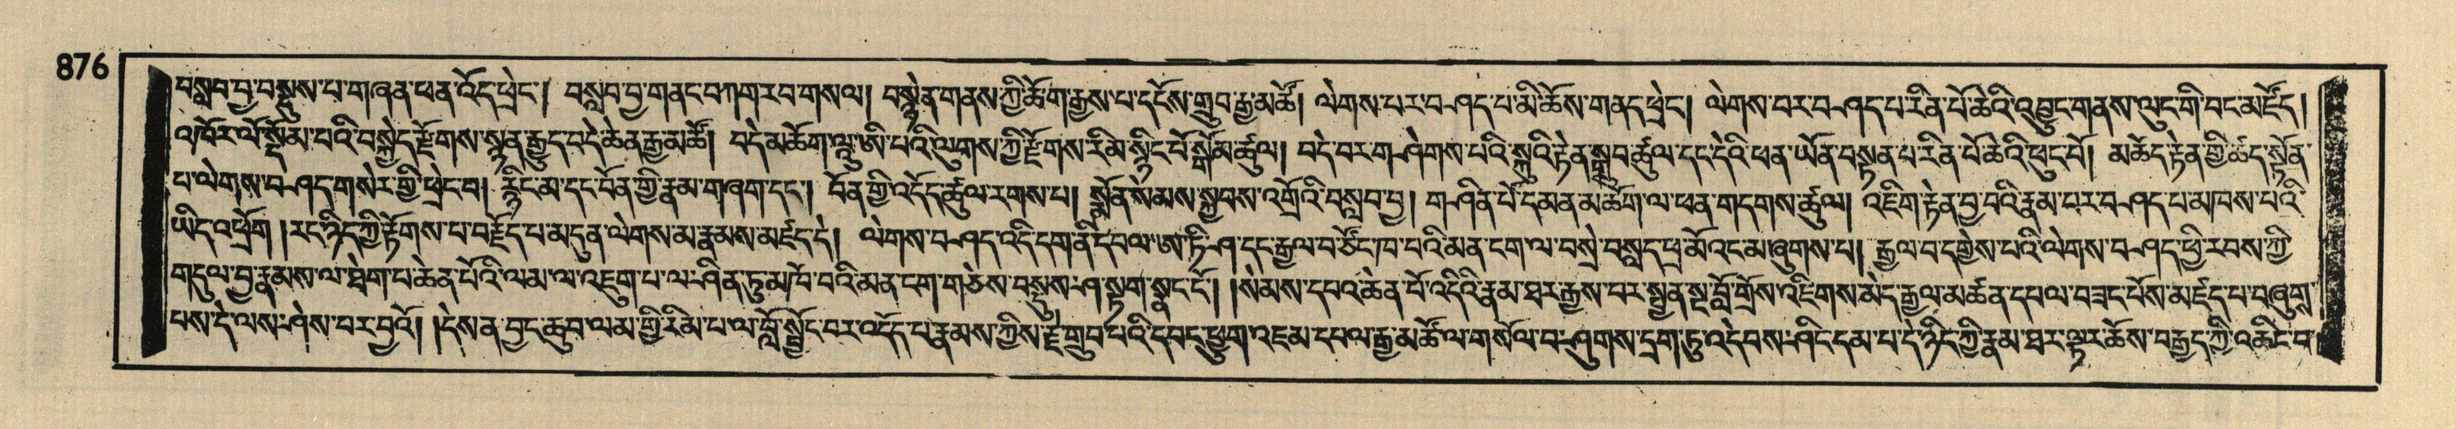བསླབ་བྱ་བསྡུས་པ་གཞན་ཕན་འོད་ཕྲེང་། བསླབ་བྱ་གནང་བཀག་རབ་གསལ། བསྙེན་གནས་ཀྱི་ཆོ་ག་རྒྱས་པ་དངོས་གྲུབ་རྒྱ་མཚོ། ལེགས་པར་བཤད་པ་མི་ཆོས་གནད་ཕྲེང་། ལེགས་བར་བཤད་པ་རིན་པོ་ཆེའི་འབྱུང་གནས་ལུང་གི་བང་མཛོད།
འཁོར་ལོ་སྡོམ་པའི་བསྐྱེད་རྫོགས་སྙན་རྒྱུད་བདེ་ཆེན་རྒྱ་མཚོ། བདེ་མཆོག་ལཱུ་ཨི་པའི་ལུགས་ཀྱི་རྫོགས་རིམ་སྙིང་པོ་སྒོམ་ཚུལ། བདེ་བར་གཤེགས་པའི་སྐུའི་རྟེན་སྒྲུབ་ཚུལ་དང་དེའི་ཕན་ཡོན་བསྟན་པ་རིན་པོ་ཆེའི་ཕུང་པོ། མཆོད་རྟེན་གྱི་ཚད་སྟོན་
པ་ལེགས་བཤད་གསེར་གྱི་ཕྲེང་བ། རྙིང་མ་དང་བོན་གྱི་རྣམ་གཞག་དང་། བོན་གྱི་འདོད་ཚུལ་རགས་པ། སྨོན་སེམས་སྐྱབས་འགྲོའི་བསླབ་བྱ། གཤིན་པོ་དམན་མཆོག་ལ་ཕན་གདགས་ཚུལ། འཇིག་རྟེན་བྱ་བའི་རྣམ་པར་བཤད་པ་མཁས་པའི་
ཡིད་འཕྲོག །རང་ཉིད་ཀྱི་རྟོགས་པ་བརྗོད་པ་མདུན་ལེགས་མ་རྣམས་མཛད་དེ། ལེགས་བཤད་འདི་དག་ནི་དཔལ་ཨ་ཏི་ཤ་དང་རྒྱལ་བ་ཙོང་ཁ་པའི་མན་ངག་ལ་བསྲེ་བསླད་ཕྲ་མོའང་མ་ཞུགས་པ། རྒྱལ་བ་དགྱེས་པའི་ལེགས་བཤད་ཕྱི་རབས་ཀྱི་
གདུལ་བྱ་རྣམས་ལ་ཐེག་པ་ཆེན་པོའི་ལམ་ལ་འཇུག་པ་ལ་ཤིན་ཏུ་མཁོ་བའི་མན་ངག་གཅེས་བསྡུས་ཤ་སྟག་སྣང་ངོ། །སེམས་དཔའ་ཆེན་པོ་འདིའི་རྣམ་ཐར་རྒྱས་བར་སྤྱན་སྔ་བློ་གྲོས་འཇིགས་མེད་རྒྱལ་མཚན་དཔལ་བཟང་པོས་མཛད་པ་བཞུགས་
པས་དེ་ལས་ཤེས་བར་བྱའོ། །དེས་ན་བྱང་ཆུབ་ལམ་གྱི་རིམ་པ་ལ་བློ་སྦྱོང་བར་འདོད་པ་རྣམས་ཀྱིས་རྗེ་གྲུབ་པའི་དབང་ཕྱུག་འཇམ་དཔལ་རྒྱ་མཚོ་ལ་གསོལ་བ་ཤུགས་དྲག་ཏུ་འདེབས་ཤིང་དམ་པ་དེ་ཉིད་ཀྱི་རྣམ་ཐར་ལྟར་ཆོས་བརྒྱད་ཀྱི་འཆིང་བ་